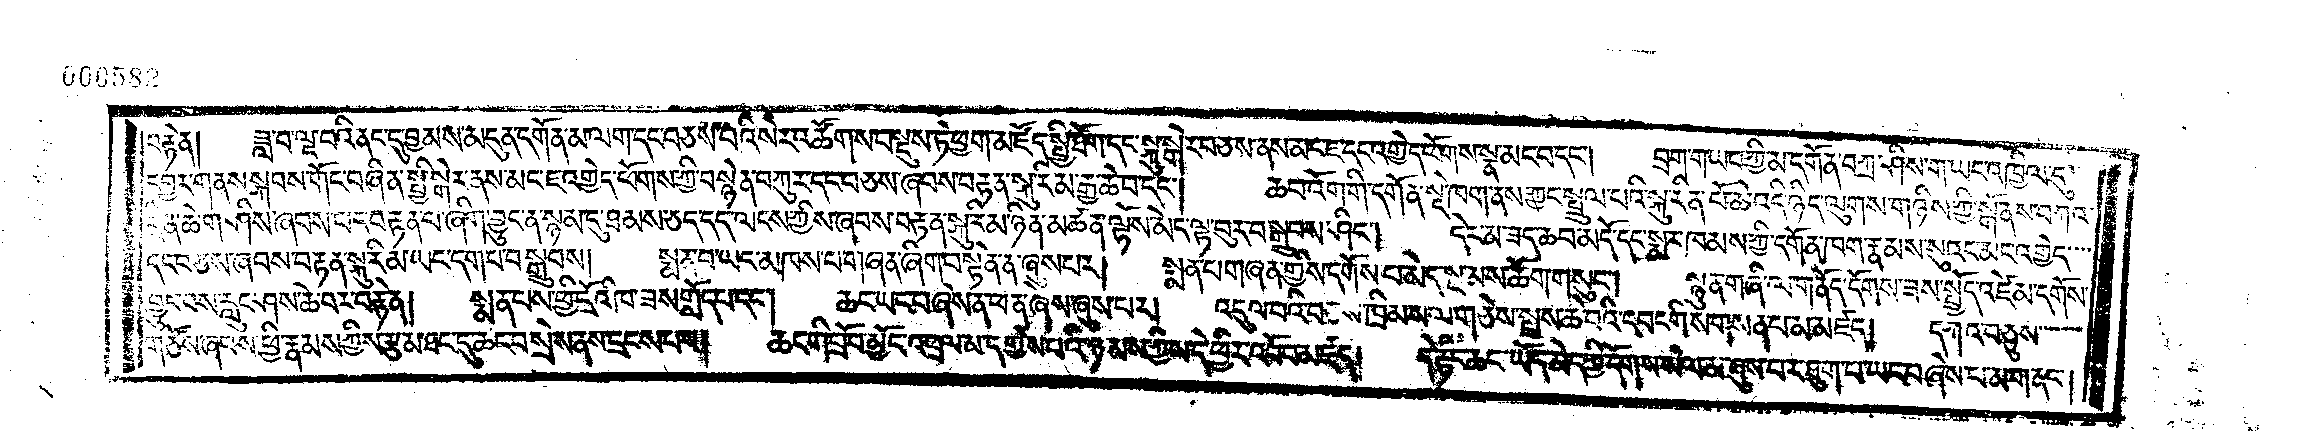བརྟེན། ཟླ་བ་ལྔ་པའི་ནང་དུ་བྱམས་མདུན་དགོན་མ་ལག་དང་བཅས་པའི་སེར་འཚོགས་བསྡུས་ཏེ་ཕྱག་མཛོད་སྤྱི་ཐོག་དང་སྐུ་སྒེར་བཅས་ནས་མང་ཇ་དང་འགྱེད་ཕོགས་སྣ་མང་བ་དང་། བྲག་གཡབ་ཀྱི་མ་དགོན་བཀྲ་ཤིས་གཡང་འཁྱིལ་དུ་
དབྱར་གནས་སྐབས་གོང་བཞིན་སྤྱི་སྒེར་ནས་མང་ཇ་འགྱེད་ཕོགས་ཀྱི་བསྙེན་བཀུར་དང་བཅས་ཞབས་བརྟན་སྐུ་རིམ་རྒྱ་ཆེ་བ་དང་། ཆབ་འོག་གི་དགོན་སྡེ་ཁག་ནས་ཀྱང་སྤྲུལ་པའི་སྐུ་རིན་པོ་ཆེ་འདི་ཉིད་ལུགས་གཉིས་ཀྱི་སྒོ་ནས་བཀའ་
དྲིན་ཆེ་གཤིས་ཞབས་པད་བརྟན་པ་ཞིག་བྱུང་ན་སྙམ་དུ་ཐམས་ཅད་དད་ལངས་ཀྱིས་ཞབས་བརྟན་སྐུ་རིམ་ཉིན་མཚན་ལྟོས་མེད་ལྟ་བུར་བསྒྲུབས་ཤིང་། དེར་མ་ཟད་ཆབ་མདོ་དང་སྨར་ཁམས་ཀྱི་དགོན་ཁག་རྣམས་སུའང་མང་འགྱེད་
དང་བཅས་ཞབས་བརྟན་སྐུ་རིམ་ཡང་དག་པ་བསྒྲུབས། སྨན་པ་ཡང་མཁས་པ་གཞན་ཞིག་བསྟེན་ན་ཞུས་པར། སྨན་པ་གཞན་གྱིས་དགོས་པ་མེད་སྔ་མས་ཆོག་གསུང་། སྙུན་གཞི་ལ་གནོད་དོགས་ཟས་སྤྱོད་འཛེམ་དགོས་
བྱུང་བས་རླུང་ཤས་ཆེ་བར་བརྟེན། སྨན་པས་ཕྱི་དྲོའི་ཁ་ཟས་གློད་པ་དང་། ཆང་ཡང་བཞེས་ན་ཕན་ཞེས་ཞུས་པར། འདུལ་བའི་བཅས་ཁྲིམས་ལ་གཅེས་སྤྲས་ཆེ་བའི་དབང་གིས་གསན་པ་མ་མཛད། དཀའ་བཅུས་
གཙོས་ཞབས་ཕྱི་རྣམས་ཀྱིས་རྩམ་ཐང་དུ་ཆང་བསྲེས་ནས་དྲངས་པས། ཆང་གི་བྲོ་བ་མྱོང་འཕྲལ་མ་དགྱེས་པའི་ཉམས་ཀྱིས་དེ་ཕྱིར་འབོ་བ་མཛད། དེ་རྟིང་ཆང་ཡོད་མེད་ཀྱི་དོགས་སེལ་མ་ཞུས་པར་ཐུག་པ་ཡང་བཞེས་པ་མ་གནང་།